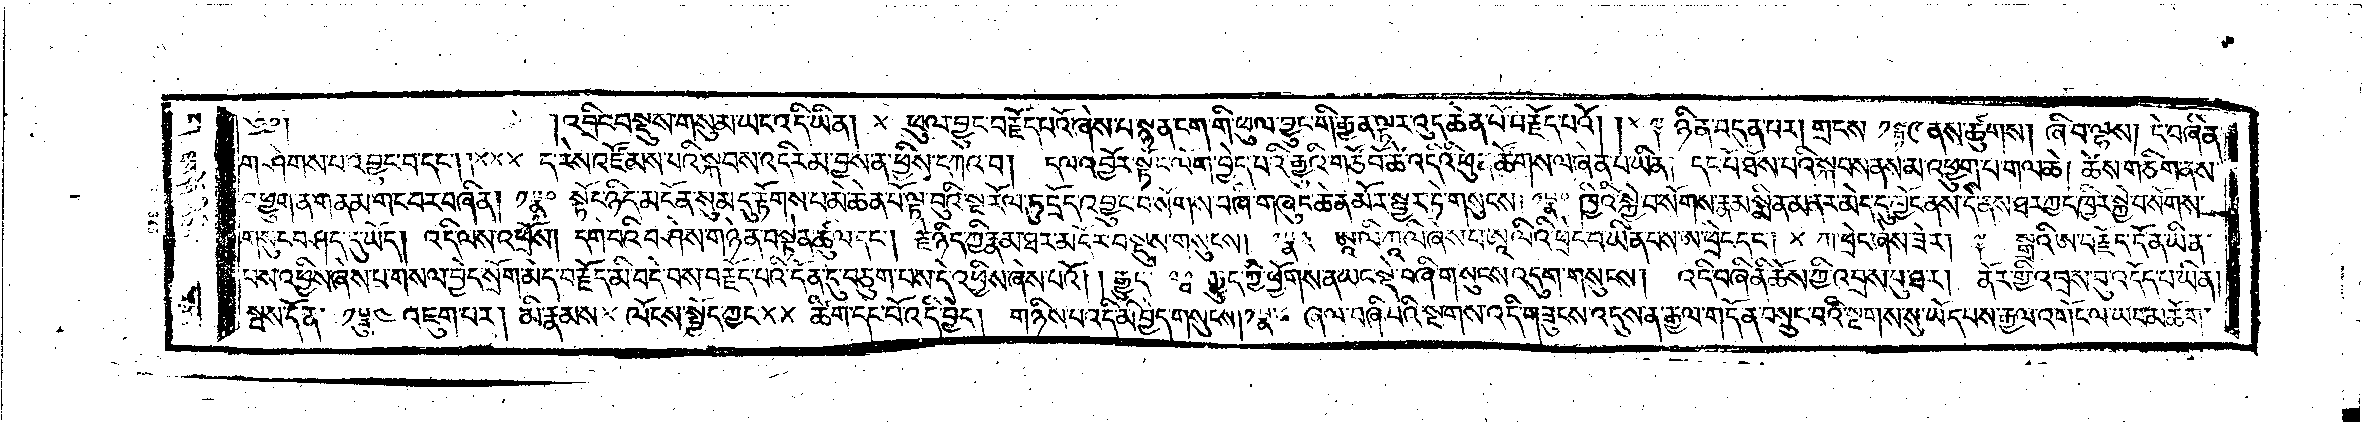༄༅། །འབྲིང་བསྡུས་གསུམ་ཡང་འདི་ཡིན། ྾་ཕུལ་བྱུང་བརྗོད་པའོ་ཞེས་པ་སྙན་ངག་གི་ཕུལ་བྱུང་གི་རྒྱན་ལྟར་འདུ་ཆེན་པོ་བརྗོད་པའོ། །྾་༈ ཉིན་བདུན་པར། གྲངས ༡༤༩་ནས་ཚུགས། ཞི་བ་ལྷས། དེ་བཞིན་
གཤེགས་པ་འབྱུང་བ་དང་། །྾྾྾་ད་རེས་འཛོམས་པའི་སྐབས་འདིར་མ་བྱས་ན་ཕྱིས་དཀའ་བ། དལ་འབྱོར་སྟོང་ལོག་བྱེད་པའི་རྒྱུའི་གཙོ་བོ་ཚེ་འདིའི་ཕུན་ཚོགས་ལ་ཞེན་པ་ཡིན། དང་པོ་ཐོས་པའི་སྐབས་ནས་མ་འཕྱུག་པ་གལ་ཆེ། ཚེས་གཅིག་ནས་
འཕྱུག་ན་གནམ་གང་བར་བཞིན། ༡༥༠་སྟོང་ཉིད་མངོན་སུམ་དུ་རྟོགས་པ་མེ་ཆེན་པོ་ལྟ་བུའི་སྔ་རོལ་ཏུ་དྲོད་འབྱུང་བ་སོགས་བཞི་གཞུང་ཆེན་མོར་སྦྱར་ཏེ་གསུངས། ༡༥༠་ཁྱིའི་སྐྱེ་བ་སོགས་རྣམས་མིན་མནར་མེད་དུ་མྱོང་ནས་དེ་ནས་ཐར་ཀྱང་ཁྱིར་སྐྱེ་བ་སོགས་
གསུང་བཤད་དུ་ཡོད། འདི་ལས་འཕྲོས། དགེ་བའི་བཤེས་གཉེན་བསྟེན་ཚུལ་དང་། རྗེ་ཉིད་ཀྱི་རྣམ་ཐར་མདོར་བསྡུས་གསུངས། ༡༥༣་ཨཱ་ལི་ཀཱ་ལི་ཞེས་པ་ཨཱ་ལིའི་ཕྲེང་བ་ཡིན་པས་ཨ་ཕྲེང་དང་། ྾་ཀ་ཕྲེང་ཞེས་ཟེར། ༈ སྒྲའི་ཨ་བརྗོད་དོན་ཡིན་
པས་འཕྱིས་ཞེས་པ་གསལ་བྱེད་སྲོག་མེད་བརྗོད་མི་བདེ་བས་བརྗོད་པའི་དོན་དུ་བཅུག་པས་དེ་འཕྱིས་ཞེས་པའོ། །རྒྱུད ༢༠་རྒྱུད་ཀྱི་ཕྱོགས་ན་ཡང་སྡེ་བཞི་གསུངས་འདུག་གསུངས། འདི་བཞི་ནི་ཆོས་ཀྱི་འབྲས་བུ་ཐར། ནོར་གྱི་འབྲས་བུ་འདོད་པ་ཡིན།
སྦས་དོན ༡༥༤་འཇུག་བར། མི་རྣམས྾་ལོངས་སྤྱོད་ཀྱང྾྾་ཚིག་དང་པོ་འདི་བྱེད། གཉིས་པ་འདི་མི་བྱེད་གསུངས། ༡༥༦་ཞལ་བཞི་བའི་སྔགས་འདི་གཟུངས་འདུས་ན་རྒྱལ་གདོན་བསྲུང་བའི་སྔགས་སུ་ཡོད་པས་རྒྱལ་འགོང་ལ་ཡང་མཆོག་